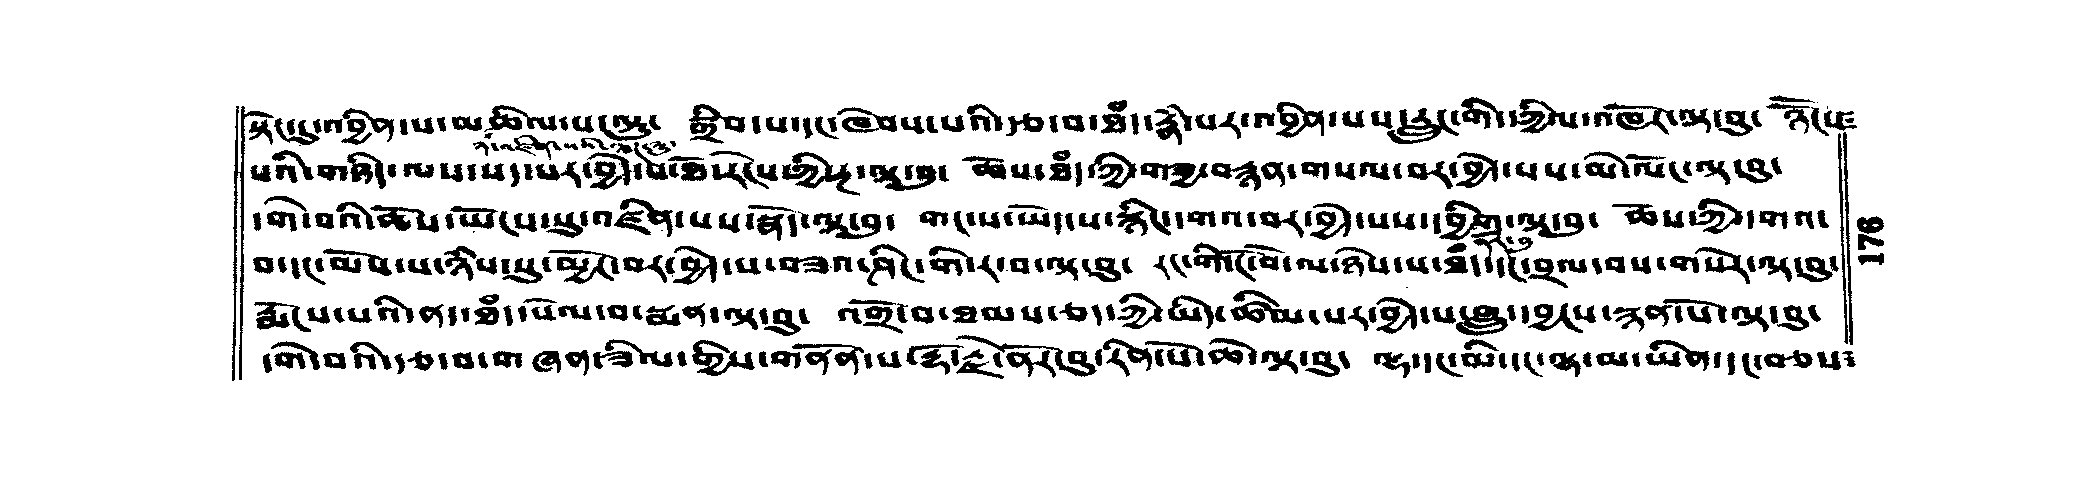སྟེང་དུ་འབྱིན་པ་མཆིལ་{ ཉ་འཛིན་པའི་ལྕོགས་ཀྱུ། }པ་ལྟ་བུ། སྒྲིབ་པ་དག་ཁེབས་པའི་རྩ་བ་ཐམས་ཅད་རྣམ་པར་འབྱིན་པས་རླུང་གི་དཀྱིལ་འཁོར་ལྟ་བུ། ཉོན་མོངས་
པའི་གཉིས་ལས་སར་པར་བྱེད་པ་ཐོ་རེངས་ཀྱི་རྔ་ལྟ་བུ། ཆོས་ཐམས་ཅད་ཀྱི་གཟུགས་བརྙན་་་་་་་མེ་ལོང་ལྟ་བུ་
་་་་་་་་་་་དགའ་བར་བྱེད་པས་དབྱིག་{ ནོར་བུ། }ལྟ་བུ། ཆོས་ཀྱི་དགའ་
བ་དང་མོས་པ་ཉམས་སུ་མྱོང་བར་བྱེད་པ་བཟའ་ཤིང་གི་ར་བ་ལྟ་བུ། རང་གི་ངོ་བོ་ལ་ཉེས་པ་ཐམས་ཅད་དང་བྲལ་བས་གསེར་ལྟ་བུ་
རྨོངས་པའི་ནད་ཐམས་ཅད་སེལ་བ་སྨན་ལྟ་བུ། འགྲོ་བ་ཐམས་ཅད་ཀྱི་ཡིད་ཚིམ་པར་བྱེད་པ་གླུ་དབྱངས་སྙན་པོ་ལྟ་བུ་
དགེ་བའི་རྩ་བ་གཞན་ཟིལ་གྱིས་གནོན་པ་རྡོ་རྗེ་ནོར་བུ་རིན་པོ་ཆེ་ལྟ་བུ། ལྷ་དང་མི་དང་ལྷ་མ་ཡིན་དང་བཅས་